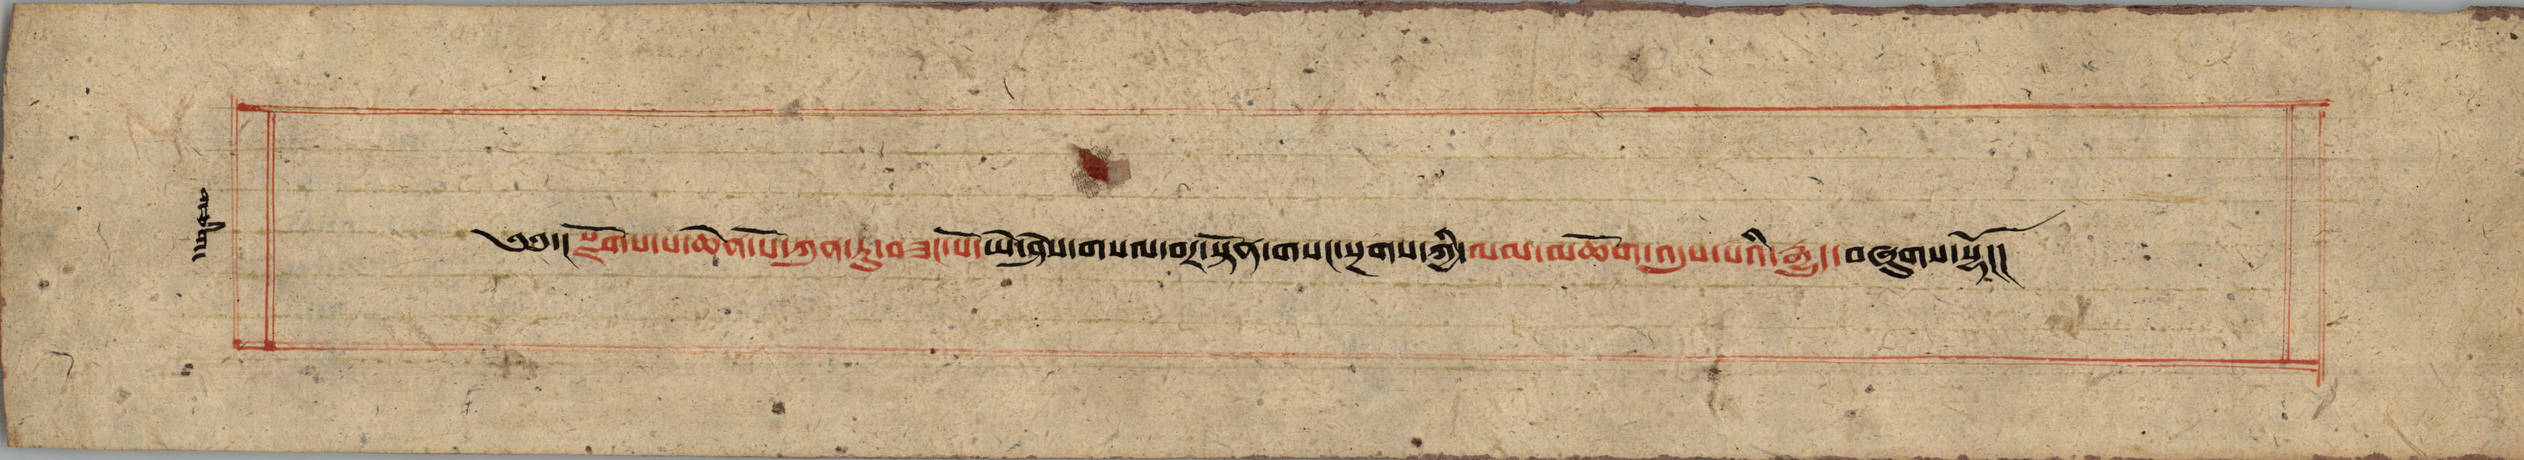༄༅་། སྫོགས་པ་ཆེན་པོ་ཀུན་ཏུ་བཟང་པོ་ཡེ་ཤེས་གསལ་བར་སྟོན་གསང་སྔགས་ཀྱི་ལམ་མཆོག་འདུས་པའི་རྒྱུད་བཞུགས་སྷོ།།།